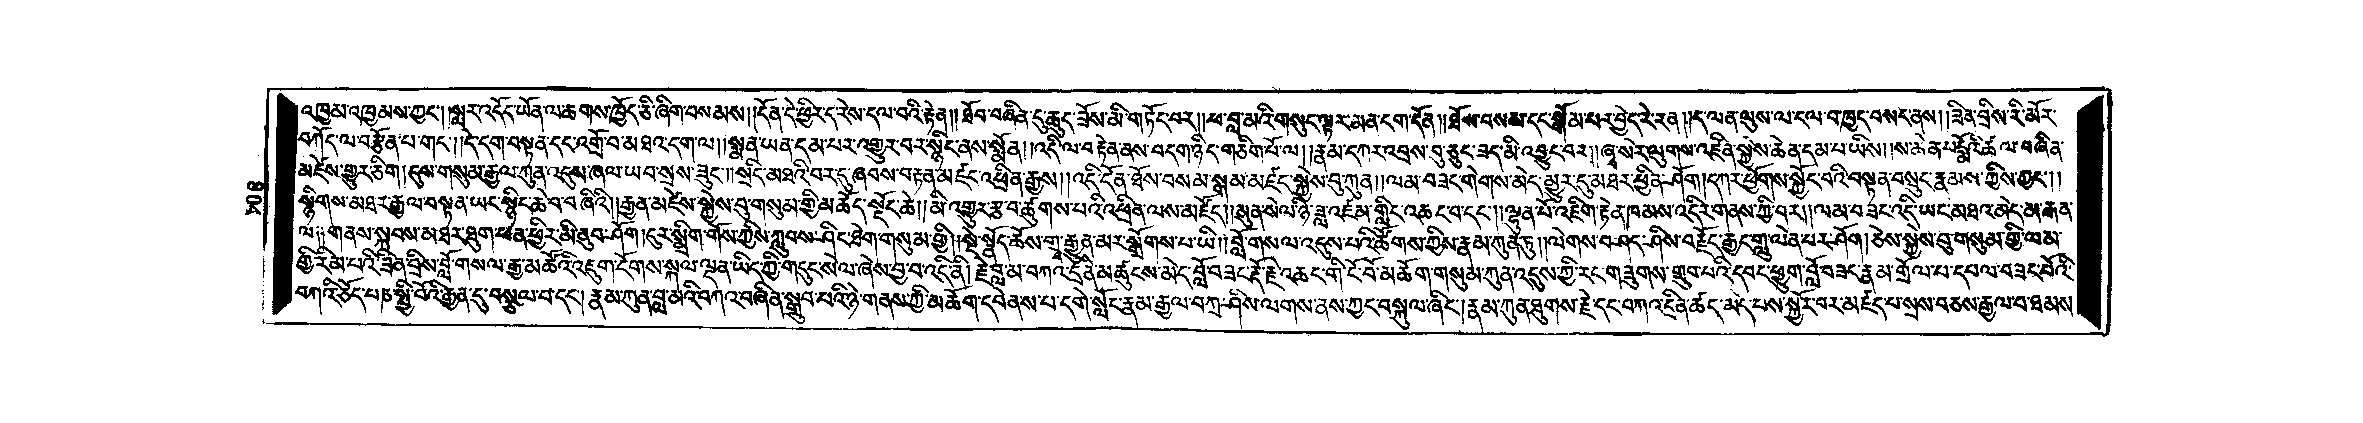འཁྱམ་འཁྱམས་ཀྱང་། །སླར་འདོད་ཡོན་ལ་ཆགས་ཁྱོད་ཅི་ཞིག་བསམས། །དོན་དེ་ཕྱིར་ད་རེས་དལ་བའི་རྟེན། །ཐོབ་བཞིན་དུ་ཆུད་ཟོས་མི་གཏོང་བར། །ཕ་བླ་མའི་གསུང་ལྟར་མན་ངག་དོན། །ཐོས་བསམ་དང་སྒོམ་པར་བྱེད་རེ་རན། །ད་ལན་ལུས་ལ་ངལ་བ་ཁྱད་བསང་ནས། །ཟིན་བྲིས་རི་མོར་
བཀོད་ལ་བརྩོན་པ་གང་། །དེ་དག་བསྟན་དང་འགྲོ་བ་མཐའ་དག་ལ། །སྨན་ཡན་དམ་པར་འགྱུར་བར་སྙིང་ནས་སྨོན། །འདི་ལ་བརྟེན་ནས་བདག་ཉིད་གཅིག་པོ་ལ། །རྣམ་དཀར་འབྲས་བུ་ཅུང་ཟད་མི་འབྱུང་བར། །ཞྭ་སེར་ལུགས་འཛིན་སྐྱེས་ཆེན་དམ་པ་ཡིས། །ས་ཆེན་པདམོའི་ཚལ་བཞིན་
མཛེས་གྱུར་ཅིག །དུས་གསུམ་རྒྱལ་ཀུན་འདུས་ཞལ་ཡབ་སྲས་ཟུང་། །སྲིད་མཐའི་བར་དུ་ཞབས་བརྟན་མཛད་འཕྲིན་རྒྱས། །འདི་དོན་ཐོས་བསམ་སྒམ་མཛད་སྐྱེས་བུ་ཀུན། །ལམ་བཟང་གེགས་མེད་མྱུར་དུ་མཐར་ཕྱིན་ཤོག །དཀར་ཕྱོགས་སྐྱོང་བའི་བསྟན་བསྲུང་རྣམས་ཀྱིས་ཀྱང་། །
སྙིགས་མཐར་རྒྱལ་བསྟན་ཡང་སྙིང་ཆེ་བ་བཞིའི། །རྒྱན་མཛེས་སྐྱེས་བུ་གསུམ་གྱི་མཆོད་སྡོང་ཆེ། །མི་འགྱུར་རྩ་བ་ཚུགས་པའི་འཕྲིན་ལས་མཛོད། །མུན་སེལ་ཉི་ཟླ་འཛམ་གླིང་འཆང་བ་དང་། །ལྷུན་པོ་འཇིག་རྟེན་ཁམས་འདིར་གནས་ཀྱི་བར། །ལམ་བཟང་འདི་ཡང་མཐའ་མེད་མ་རྒན་
ལ། །གནས་སྐབས་མཐར་ཐུག་ཕན་ཕྱིར་མི་ནུབ་ཤོག །ངུར་སྨྲིག་གོས་ཀྱིས་ཀླུབས་ཤིང་ཐེག་གསུམ་གྱི། །སྡེ་སྣོད་ཆོས་གྲྭ་རྒྱུན་མར་སྒྲོགས་པ་ཡི། །བློ་གསལ་འདུས་པའི་ཚོགས་ཀྱིས་རྣམ་ཀུན་ཏུ། །ལེགས་བཤད་ཤིས་བརྗོད་རྒྱང་གླུ་ལེན་པར་ཤོག །ཅེས་སྐྱེས་བུ་གསུམ་གྱི་ལམ་
གྱི་རིམ་པའི་ཟིན་བྲིས་བློ་གསལ་རྒྱ་མཚོའི་འཇུག་ངོགས་སྐལ་ལྡན་ཡིད་ཀྱི་གདུང་སེལ་ཞེས་བྱ་བ་འདི་ནི། རྗེ་བླ་མ་བཀའ་དྲིན་མཚུངས་མེད་བློ་བཟང་རྡོ་རྗེ་འཆང་གི་ངོ་བོ་མཆོག་གསུམ་ཀུན་འདུས་ཀྱི་རང་གཟུགས་གྲུབ་པའི་དབང་ཕྱུག་བློ་བཟང་རྣམ་གྲོལ་པ་དཔལ་བཟང་པོའི་
བཀའི་ཅོད་པཎ་སྤྱི་བོའི་རྒྱན་དུ་བསྩལ་བ་དང་། རྣམ་ཀུན་བླ་མའི་བཀའ་བཞིན་སྒྲུབ་པའི་ཉེ་གནས་ཀྱི་མཆོག་དབེན་ས་པ་དགེ་སློང་རྣམ་རྒྱལ་བཀྲ་ཤིས་ལགས་ནས་ཀྱང་བསྐུལ་ཞིང་། རྣམ་ཀུན་ཐུགས་རྗེ་དང་བཀའ་དྲིན་ཚད་མེད་པས་སྐྱོར་བར་མཛད་པ་སྲས་བཅས་རྒྱལ་བ་ཐམས་